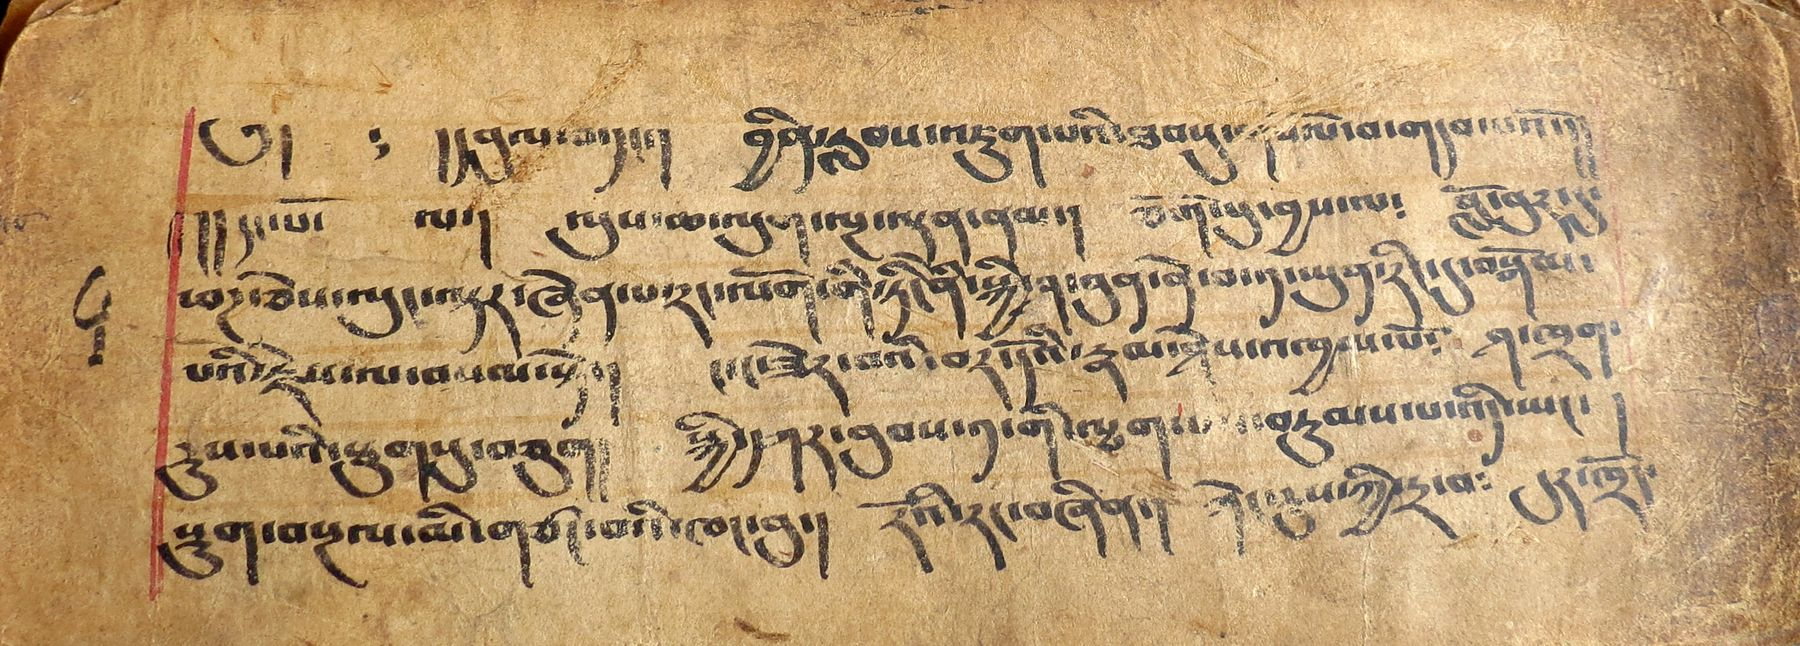འབུལ་བ་དང་། བྱིན་རླབས་འཇུག་པའི་ཐབས་སུ་གསོལ་བ་འདེབས་པའོ། ། 
དང་པོ་ལ། ལུས་ཆ་ལུགས་ལྔ་ལྡན་ནམ་ཙོག་པུ་བྱས་ལ། བློ་བུར་དུ་
ཕཊ༷༔ཅེས་ལུང་ལྟར་ཞེན་པ་རང་ལོག་གི་ཏིང་འཛིན་སྐྱི་ཤ་བུན་ནེ་བ་ཞིག་ཡུན་རིང་དུ་བསྒོམས་
པའི་རྗེས་ལ་བསམ་སྟེ། ང་ང་ཟེར་བའི་བར་དོའི་རྣམ་ཤེས་འཁྱམས་པོ་ཤ་ཁྲག་
རུས་པའི་སྦུབས་སུ་བཅུགས། སྐྱི་དཀར་བུབས་གཅིག་གིས་པགས་པས་བཏུམས་པ་འདི་ཡང་། 
སྡུག་མི་གཙང་བའི་ཁང་བུ། རོ་ཡི་རང་བཞིན། ཀེང་རུས་ཀྱི་༼ཐོ་ཡོར། ཆུ་རྒྱུས་ཀྱི་༽དྲྭ་བ། དུར་ཁྲོད་